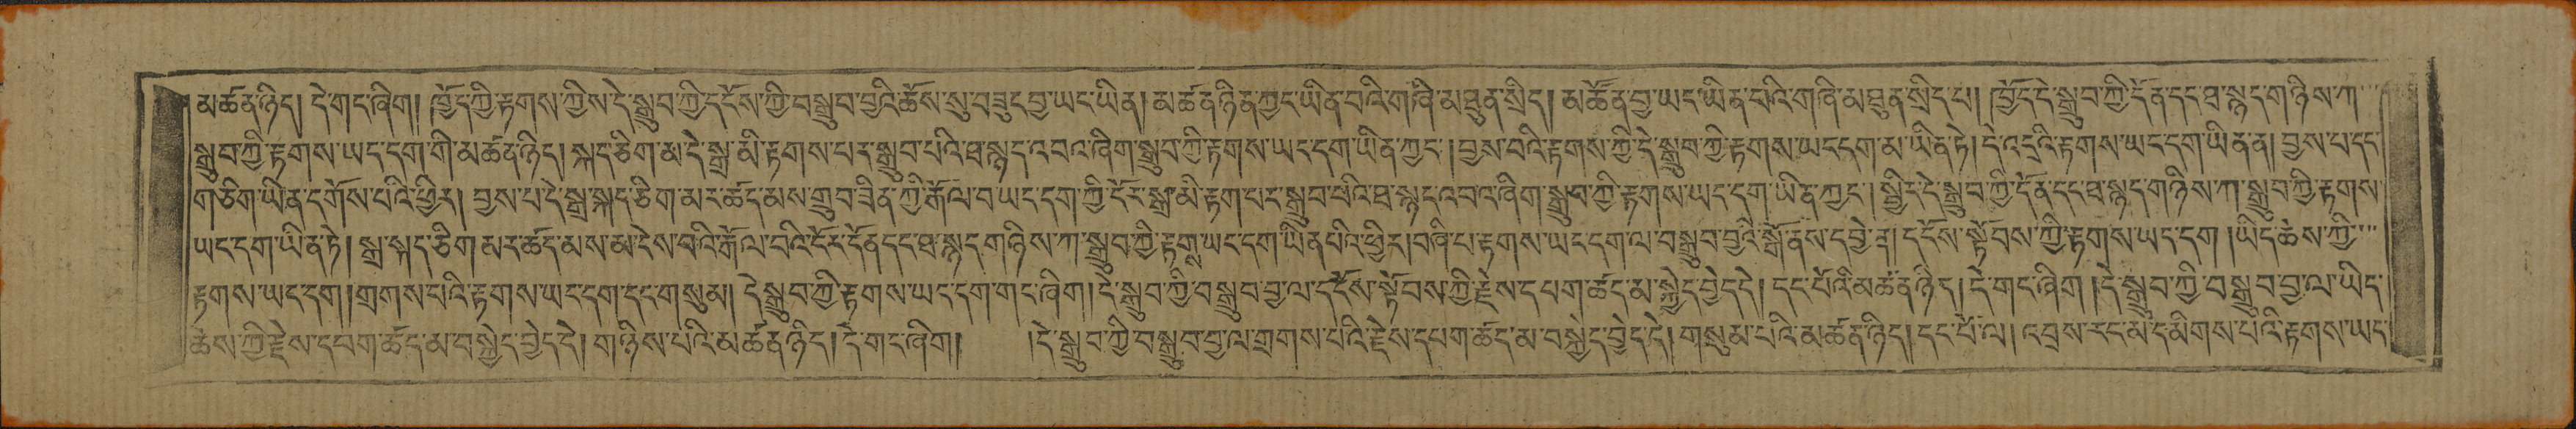མཚན་ཉིད། དེ་གང་ཞིག །ཁྱོད་ཀྱི་རྟགས་ཀྱིས་དེ་སྒྲུབ་ཀྱི་དངོས་ཀྱི་བསྒྲུབ་བྱའི་ཆོས་སུ་བཟུང་བྱ་ཡང་ཡིན། མཚན་ཉིད་ཀྱང་ཡིན་པའི་གཞི་མཐུན་སྲིད། མཚོན་བྱ་ཡང་ཡིན་པའི་གཞི་མཐུན་སྲིད་པ། ཁྱོད་དེ་སྒྲུབ་ཀྱི་དོན་དང་ཐ་སྙད་གཉིས་ཀ་
སྒྲུབ་ཀྱི་རྟགས་ཡང་དག་གི་མཚན་ཉིད། སྐད་ཅིག་མ་དེ་སྒྲ་མི་རྟགས་པར་སྒྲུབ་པའི་ཐ་སྙད་འབའ་ཞིག་སྒྲུབ་ཀྱི་རྟགས་ཡང་དག་ཡིན་ཀྱང་། བྱས་པའི་རྟགས་ཀྱི་དེ་སྒྲུབ་ཀྱི་རྟགས་ཡང་དག་མ་ཡིན་ཏེ། དེ་འདྲའི་རྟགས་ཡང་དག་ཡིན་ན། བྱས་པ་དང་
གཅིག་ཡིན་དགོས་པའི་ཕྱིར། བྱས་པ་དེ་སྒྲ་སྐད་ཅིག་མར་ཚད་མས་གྲུབ་ཟིན་ཀྱི་རྒོལ་བ་ཡང་དག་ཀྱི་ངོར་སྒྲ་མི་རྟག་པར་སྒྲུབ་པའི་ཐ་སྙད་འབའ་ཞིག་སྒྲུབ་ཀྱི་རྟགས་ཡང་དག་ཡིན་ཀྱང་། སྤྱིར་དེ་སྒྲུབ་ཀྱི་དོན་དང་ཐ་སྙད་གཉིས་ཀ་སྒྲུབ་ཀྱི་རྟགས་
ཡང་དག་ཡིན་ཏེ། སྒྲ་སྐད་ཅིག་མར་ཚད་མས་མ་ངེས་པའི་རྒོལ་བའི་ངོར་དོན་དང་ཐ་སྙད་གཉིས་ཀ་སྒྲུབ་ཀྱི་རྟགས་ཡང་དག་ཡིན་པའི་ཕྱིར། བཞི་པ་རྟགས་ཡང་དག་ལ་བསྒྲུབ་བྱའི་སྒོ་ནས་དབྱེ་ན། དངོས་སྟོབས་ཀྱི་རྟགས་ཡང་དག །ཡིད་ཆེས་ཀྱི་
རྟགས་ཡང་དག །གྲགས་པའི་རྟགས་ཡང་དག་དང་གསུམ། དེ་སྒྲུབ་ཀྱི་རྟགས་ཡང་དག་གང་ཞིག །དེ་སྒྲུབ་ཀྱི་བསྒྲུབ་བྱ་ལ་དངོས་སྟོབས་ཀྱི་རྗེས་དཔག་ཚད་མ་སྐྱེད་བྱེད་དེ། དང་པོའི་མཚན་ཉིད། དེ་གང་ཞིག །དེ་སྒྲུབ་ཀྱི་བསྒྲུབ་བྱ་ལ་ཡིད་
ཆེས་ཀྱི་རྗེས་དཔག་ཚད་མ་བསྐྱེད་བྱེད་དེ། གཉིས་པའི་མཚན་ཉིད། དེ་གང་ཞིག ། །དེ་སྒྲུབ་ཀྱི་བསྒྲུབ་བྱ་ལ་གྲགས་པའི་རྗེས་དཔག་ཚད་མ་བསྐྱེད་བྱེད་དེ། གསུམ་པའི་མཚན་ཉིད། དང་པོ་ལ། འབྲས་རང་མ་དམིགས་པའི་རྟགས་ཡང་